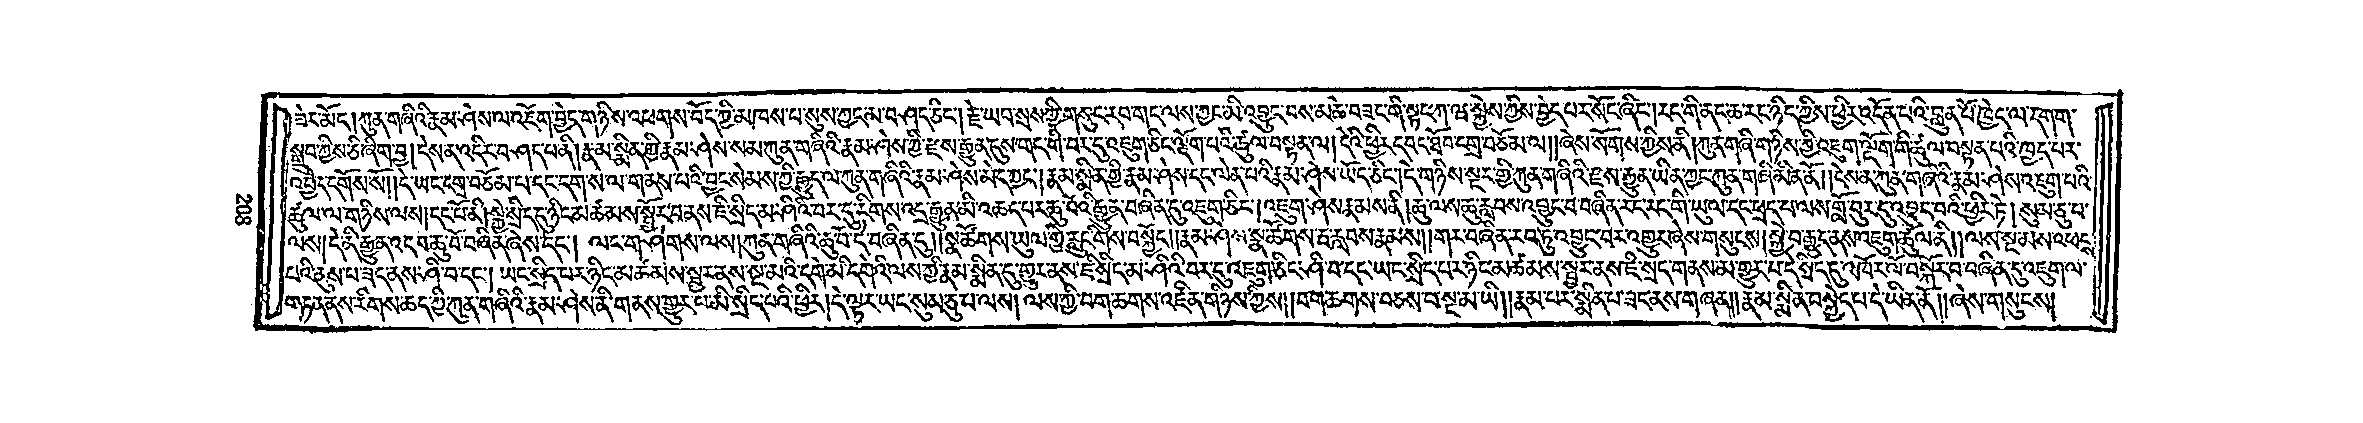ཟེར་མོད། ཀུན་གཞིའི་རྣམ་ཤེས་ལ་འཇོག་བྱེད་གཉིས་འཕགས་བོད་ཀྱི་མཁས་པ་སུས་ཀྱང་མ་བཤད་ཅིང་། རྗེ་ཡབ་སྲས་ཀྱི་གསུང་རབ་གང་ལས་ཀྱང་མི་འབྱུང་བས་མཆེ་བཟང་གི་སྟང་ཀ་ཝ་སྐྱེས་ཀྱིས་བྱེད་པར་སོང་ཞིང་། རང་གི་ནང་ཆ་རང་ཉིད་ཀྱིས་ཕྱིར་འདོན་པའི་བླུན་པོ་ཁྱེད་ལ་དགག་
སྒྲུབ་ཀྱིས་ཅི་ཞིག་བྱ། དེས་ན་འདིར་བཤད་པ་ནི། རྣམ་སྨིན་གྱི་རྣམ་ཤེས་སམ་ཀུན་གཞིའི་རྣམ་ཤེས་ཀྱི་རྫས་རྒྱུན་དུས་གང་གི་བར་དུ་འཇུག་ཅིང་ལྡོག་པའི་ཚུལ་བསྟན་ལ། དེའི་ཕྱིར་དབང་ཐོབ་དགྲ་བཅོམ་ལ། །ཞེས་སོགས་ཀྱིས་ནི། ཀུན་གཞི་གཉིས་ཀྱི་འཇུག་ལྡོག་གི་ཚུལ་བསྟན་པའི་ཁྱད་པར་
འབྱེད་དགོས་སོ། །དེ་ཡང་དགྲ་བཅོམ་པ་དང་དག་ས་ལ་གནས་པའི་བྱང་སེམས་ཀྱི་རྒྱུད་ལ་ཀུན་གཞིའི་རྣམ་ཤེས་མེད་ཀྱང་། རྣམ་སྨིན་གྱི་རྣམ་ཤེས་དང་ལེན་པའི་རྣམ་ཤེས་ཡོད་ཅིང་། དེ་གཉིས་སྔར་གྱི་ཀུན་གཞིའི་རྫས་རྒྱུན་ཡིན་ཀྱང་ཀུན་གཞི་མིན་ནོ། །དེས་ན་ཀུན་གཞིའི་རྣམ་ཤེས་འཇུག་པའི་
ཚུལ་ལ་གཉིས་ལས། དང་པོ་ནི། སྐྱེ་སྲིད་དུ་ཉིང་མཚམས་སྦྱོར་བ་ནས་ཇི་སྲིད་མ་ཤིའི་བར་དུ་རིགས་འདྲ་རྒྱུན་མི་འཆད་པར་ཆུ་བོའི་རྒྱུན་བཞིན་དུ་འཇུག་ཅིང་། འཇུག་ཤེས་རྣམས་ནི། ཆུ་ལས་ཆུ་རླབས་འབྱུང་བ་བཞིན་རང་རང་གི་ཡུལ་དང་ཕྲད་པ་ལས་གློ་བུར་དུ་འབྱུང་བའི་ཕྱིར་ཏེ། སུམ་ཅུ་པ་
ལས། དེ་ནི་རྒྱུན་འདབ་ཆུ་བོ་བཞིན་ཞེས་དང་། ལང་གཤེགས་ལས། ཀུན་གཞིའི་ཆུ་བོ་དེ་བཞིན་དུ། །སྣ་ཚོགས་ཡུལ་གྱི་རླུང་གིས་བསྐྱོད། །རྣམ་ཤེས་སྣ་ཚོགས་རྦ་རླབས་རྣམས། །གར་བཞིན་རབ་ཏུ་འབྱུང་བར་འགྱུར་ཞེས་གསུངས། སྐྱེ་བ་རྒྱུད་ནས་འཇུག་ཚུལ་ནི། །ལས་སྔ་མས་འཕངས་
པའི་ནུས་པ་ཟད་ནས་ཤི་བ་དང་། ཡང་སྲིད་པར་ཉིད་མཚམས་སྦྱར་ནས་སྔ་མའི་དགེ་མི་དགེའི་ལས་ཀྱི་རྣམ་སྨིན་དུ་གྱུར་ནས་ཇི་སྲིད་མ་ཤིའི་བར་དུ་འཇུག་ཅིང་ཤི་བ་དང་ཡང་སྲིད་པར་ཉིང་མཚམས་སྦྱར་ནས་ཇི་སྲད་གནས་མ་གྱུར་པ་དེ་སྲིད་དུ་འཁོར་ལོ་བསྐོར་བ་བཞིན་དུ་འཇུག་ལ་
གཏན་ནས་རིགས་ཆད་ཀྱི་ཀུན་གཞིའི་རྣམ་ཤེས་ནི་གནས་གྱུར་པ་མི་སྲིད་པའི་ཕྱིར། དེ་ལྟར་ཡང་སུམ་ཅུ་པ་ལས། ལས་ཀྱི་བག་ཆགས་འཛིན་གཉིས་ཀྱིས། །བག་ཆགས་བཅས་པ་སྔ་མ་ཡི། །རྣམ་པར་སྨིན་པ་ཟང་ནས་གཞན། །རྣམ་སྨིན་བསྐྱེད་པ་དེ་ཡིན་ནོ། །ཞེས་གསུངས།